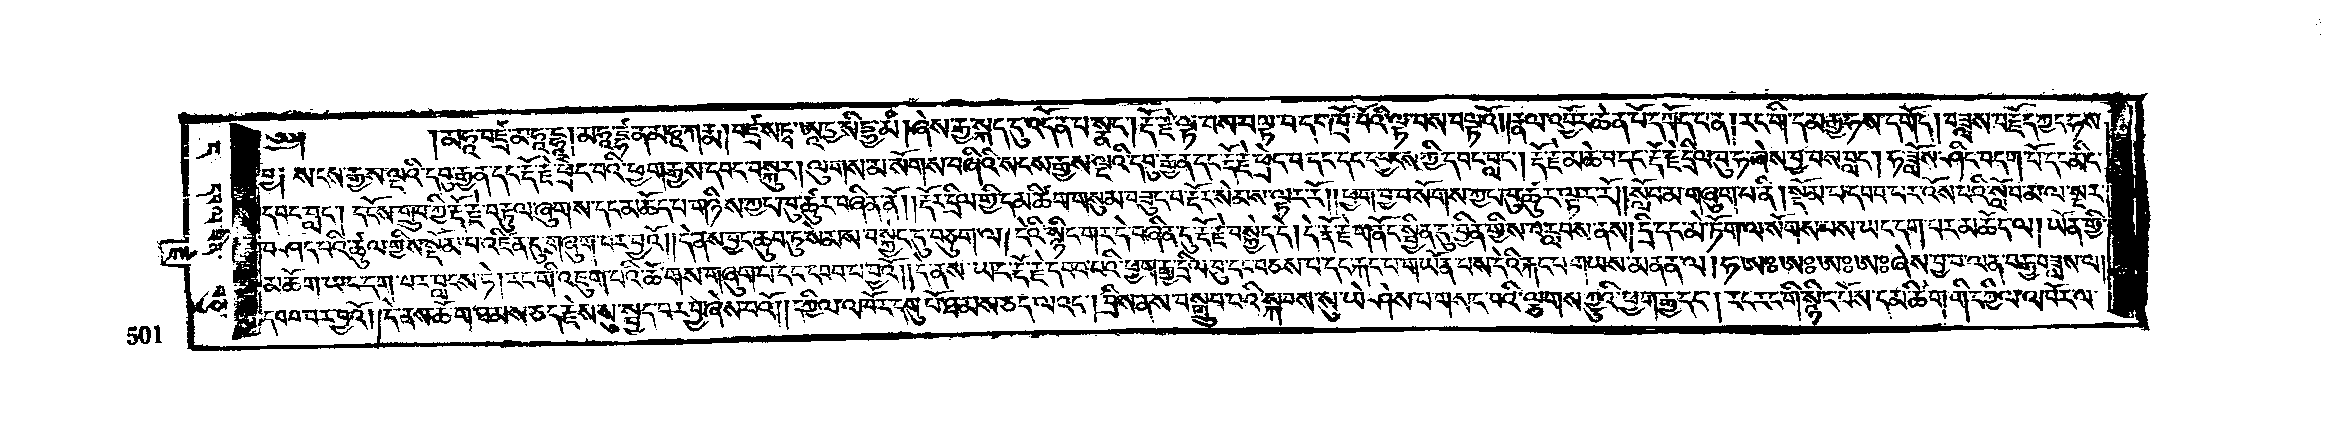༄༅། །མཧཱ་བཛྲ་མཧཱ་དྷཱ། མཧཱ་ཛྷ་ན་མཧཱ་ཀརྨ། བཛྲ་སཏྭ་ཨཱ་དྱ་སིདྷྱ་མཾ། ཞེས་རྒྱ་སྐད་དུ་འདོན་པ་སྣང་། རྡོ་རྗེ་ལྟ་བས་བལྟ་བ་དང་ཁྲོ་བོའི་ལྟ་བས་བལྟའོ། །རྣལ་འབྱོར་ཆེན་པོ་དགོད་པ་ན། རང་གི་དམ་རྒྱ་ཧས་དགོད། བཟླས་བརྗོད་ཀྱང་ཧས་
བྱ། སངས་རྒྱས་ལྔའི་དབུ་རྒྱན་དང་རྡོ་རྗེ་ཕྲེང་བའི་ཕྱག་རྒྱས་དབང་བསྐུར། ལུགས་མ་སོགས་བཞིའི་སངས་རྒྱས་ལྔའི་དབུ་རྒྱན་དང་རྡོ་རྗེ་ཕྲེང་བ་དང་དང་དཔྱངས་ཀྱི་དབང་བླང་། རྡོ་རྗེ་མཆེ་བ་དང་རྡོ་རྗེ་དྲིལ་བུ་ཧ་ཞེས་བྱ་བས་བླང་། ཧ་ཟློས་ཤིང་བདག་པོ་དང་མིང་
དབང་བླང་། དངོས་གྲུབ་ཀྱི་རྡོ་རྗེ་བརྟུལ་ཞུགས་དང་མཆོད་པ་གཉིས་ཀྱང་ཁུ་ཚུར་བཞིན་ནོ། །རྡོར་དྲིལ་གྱི་དམ་ཚིག་གསུམ་བཟུང་བ་རྡོར་སེམས་ལྟར་རོ། །ཕྱག་བྱ་བ་སོགས་ཀྱང་ཁུ་ཚུར་ལྟར་རོ། །སློབ་མ་གཞུག་པ་ནི། སྡོམ་པ་དབབ་པར་འོས་པའི་སློབ་མ་ལ་སྔར་
བཤད་པའི་ཚུལ་གྱིས་སྡོམ་པ་འཛིན་དུ་གཞུག་པར་བྱའོ། །དེ་ནས་བྱང་ཆུབ་ཏུ་སེམས་བསྐྱེད་དུ་བཅུག་ལ། དེའི་སྙིང་གར་དེ་བཞིན་དུ་རྡོ་རྗེ་བསྐྱེད་དེ། དེ་རྡོ་རྗེ་གནོད་སྦྱིན་དུ་བྱིན་གྱིས་བརླབས་ནས། དྲི་དང་མེ་ཏོག་ལ་སོགས་པས་ཡང་དག་པར་མཆོད་ལ། ཡོན་གྱི་
མཆོག་ཡང་དག་པར་བླངས་ཏེ། རང་གི་འཇུག་པའི་ཆོ་གས་གཞུག་པ་དང་དབབ་པ་བྱའོ། །དེ་ནས་ཡང་རྡོ་རྗེ་དབབ་པའི་ཕྱག་རྒྱ་དྲིལ་བུ་དང་བཅས་པ་དང་རྐང་པ་གཡོན་པས་དེའི་རྐང་པ་གཡས་མནན་ལ། ཧ་ཨཿ ཨཿ ཨཿ ཨཿ ཞེས་བྱ་བ་ལན་བརྒྱ་བཟླས་ལ།
དབབ་པར་བྱའོ། །དེ་ནས་ཆོ་ག་ཐམས་ཅད་རྗེས་སུ་སྤྱད་པར་བྱ་ཞེས་བའོ། །དཀྱིལ་འཁོར་དགུ་པོ་ཐམས་ཅད་ལའང་། བྲིས་ནས་བསྒྲུབ་པའི་སྐབས་སུ་ཡེ་ཤེས་པ་གསང་བའི་ལྕགས་ཀྱུའི་ཕྱག་རྒྱ་དང་། རང་རང་གི་སྙིང་པོས་དམ་ཚིག་གི་དཀྱིལ་འཁོར་ལ་